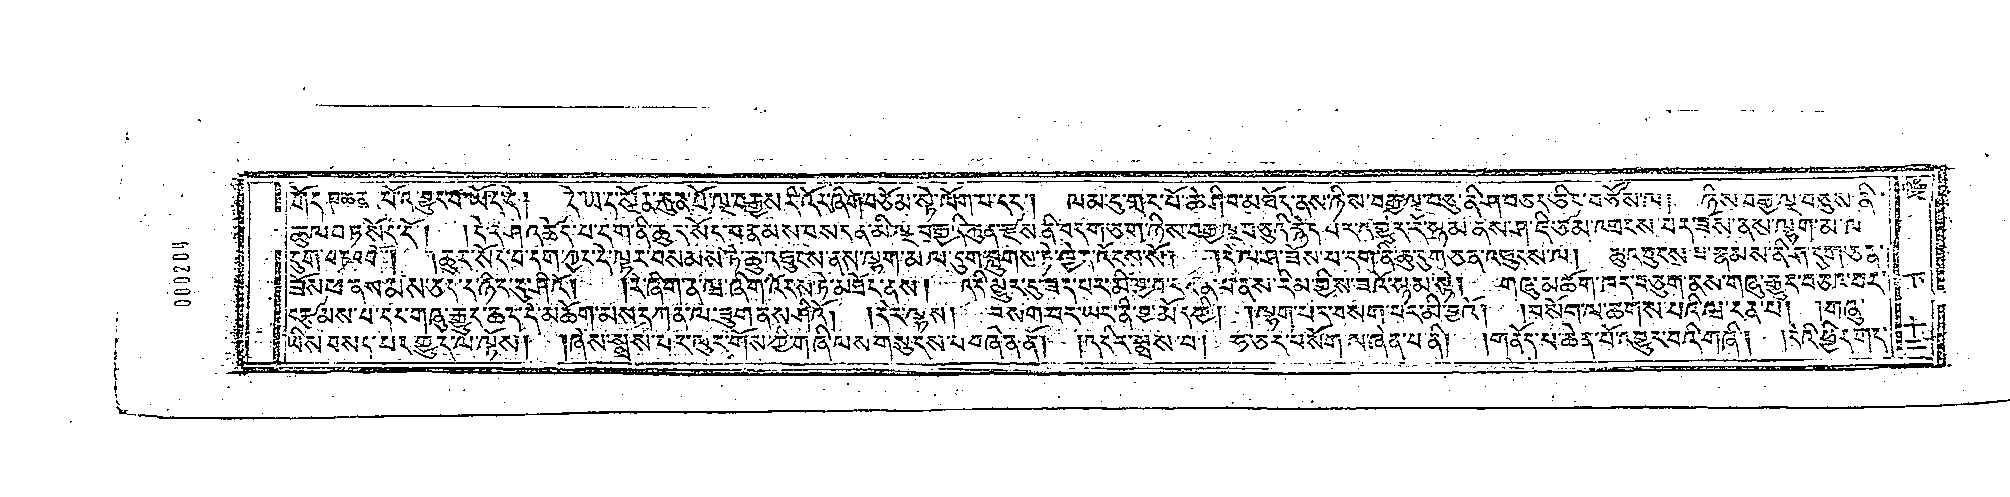གོད་ཁ་ཆེན་པོ་འབྱུང་བ་ཡོད་དེ། དེ་ཡང་སྔོན་རྐུན་པོ་ལྔ་བརྒྱས་རི་འོར་ཞིག་བཅོམ་སྟེ་ལོག་པ་དང་། ལམ་དུ་གླང་པོ་ཆེ་ཤི་བ་མཐོད་ནས་ཉིས་བརྒྱ་ལྔ་བཅུ་ནི་ཤ་བཅད་ཅིང་བརྩོས་ལ། ཉིས་བརྒྱ་ལྔ་བཅུས་ནི་
ཆུལ་བཏ་སོང་དོ། །དེར་ཤ་འཚེད་པ་དག་ནི་ཆུད་སོད་བ་རྣམས་བསད་ན་མི་ལྔ་བརྒྱ་དི་རྐུན་རྫས་ནི་བདག་ཅག་ཉིས་བརྒྱ་ལྔ་བཅུའི་རྙེད་པར་འགྱུར་རོ་སྙམ་ནས་ཤ་ཇི་ཙམ་འགྲངས་པར་ཟོས་ནས་ལྷག་མ་ལ་
དུག་པྟབ་བོ། །ཆུང་སོང་བ་དག་ཀྱང་དེ་ལྟར་བསམས་ཏེ་ཆུ་འཐུངས་ནས་ལྷག་མལ་དུག་བླུགས་ཏེ་ཁྱེད་འོངས་སོ། །དེ་ལ་ཤ་ཟོས་པ་དག་ནི་ཆུ་དུག་ཅན་འཐུངས་ལ། ཆུ་འབུངས་པ་རྣམས་ནི་ཤ་དུག་ཅན་
ཟོས་ཕན་སེམས་ཅད་ད་ཉིད་དུ་ཤིའོ། །རེ་ཞིག་ན་ཝ་ཞིག་འོངས་ཏེ་མཐོང་ནས། འདི་མྱུར་དུ་ཟད་པར་མི་བྱ་བ་ད་ངན་པ་ནས་རིམ་གྱིས་ཟའོ་སྙམ་སྟེ། གཞུ་མཆོག་ཁར་བཅུག་ནས་གཞུ་རྒྱུད་བཅའ་བར་
བརྩམས་པ་དང་གཞུ་རྒྱུད་ཆད་དེ་མཆོག་མས་དཀན་ལ་ཟུག་ནས་ཤིའོ། །དེར་ལྷས། བསག་བར་ཡང་ནི་བྱ་མོད་ཀྱི། །ལྷག་པར་བསག་པར་མི་བྱའོ། །བསོག་ལ་ཆགས་པའི་ཝ་ངན་པ། །གཞུ་
ཡིས་བསད་པར་གྱུར་ལ་ལྟོས། །ཞེས་སྨྲས་པར་ལུང་དགོས་ཀྱི་གཞི་ལས་གསུངས་པ་བཞིན་ནོ། །འདིར་སྨྲས་པ། ཧ་ཅང་པ་སོགས་ལ་ཞེན་པ་ནི། །གནོད་པ་ཆེན་པོ་འབྱུང་བའི་གཞི། །དེའི་ཕྱིར་གང་